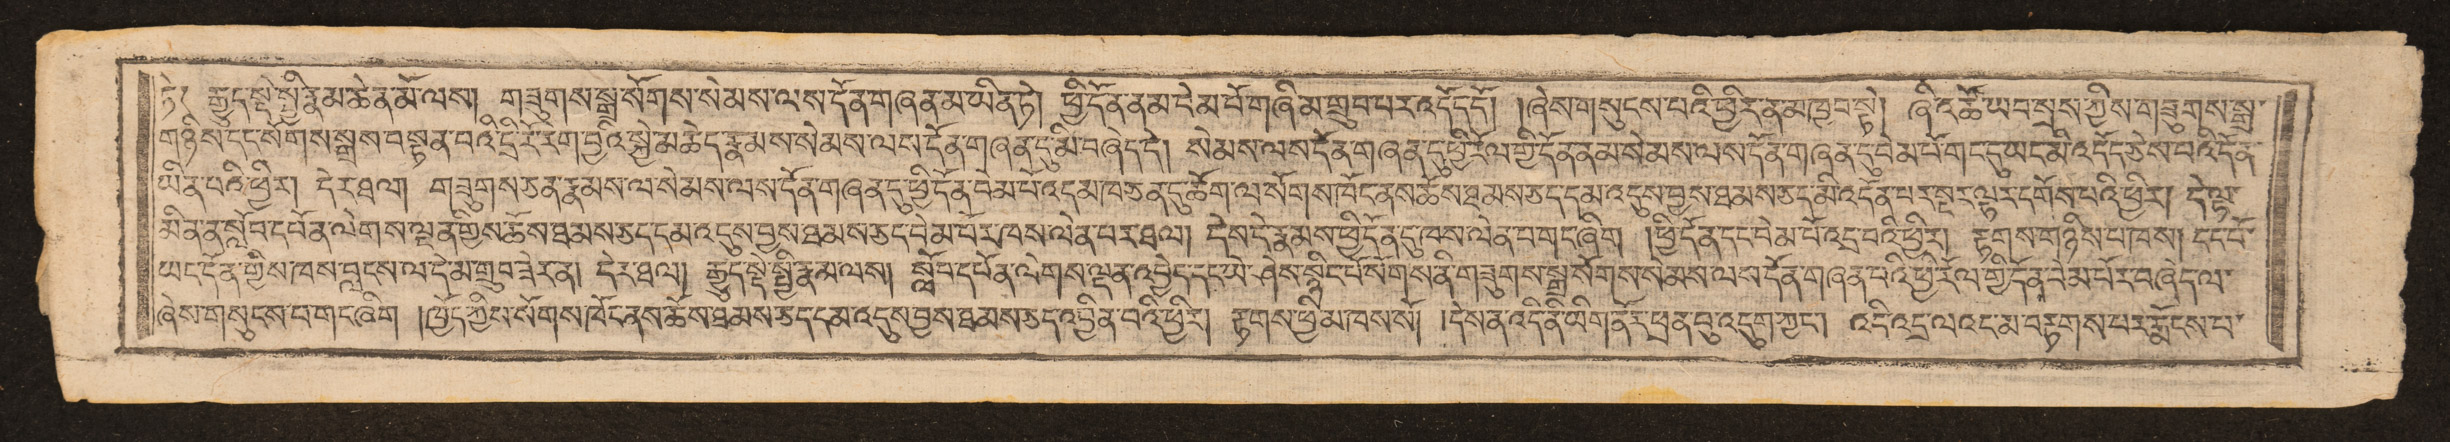ཏེ༑ རྒྱུད་སྡེ་སྤྱི་རྣམ་ཆེན་མོ་ལས། གཟུགས་སྒྲ་སོགས་སེམས་ལས་དོན་གཞན་མ་ཡིན་ཏེ། ཕྱི་དོན་ནམ་བེམ་པོ་གཞི་མ་གྲུབ་པར་འདོད་དོ། །ཞེས་གསུངས་པའི་ཕྱིར་ན་མ་ཁྱབ་སྟེ། ཞི་འཚོ་ཡབ་སྲས་ཀྱིས་གཟུགས་སྒྲ་
གཉིས་དང་སོགས་སྒྲས་བསྟན་པའི་དྲི་རོ་རེག་བྱའི་སྐྱེ་མཆེད་རྣམས་སེམས་ལས་དོན་གཞན་དུ་མི་བཞེད་དེ། སེམས་ལས་དོན་གཞན་དུ་ཕྱི་རོལ་གྱི་དོན་ནམ་སེམས་ལས་དོན་གཞན་དུ་བེམ་པོ་གང་དུ་ཡང་མི་འདོད་ཅེས་པའི་དོན་
ཡིན་པའི་ཕྱིར། དེར་ཐལ། གཟུགས་ཅན་རྣམས་ལ་སེམས་ལས་དོན་གཞན་དུ་ཕྱི་དོན་བེམ་པོ་འདམ་ཁ་ཅན་དུ་ཆོག་ལ་སོགས་ཁོང་ནས་ཆོས་ཐམས་ཅད་དམ་འདུས་བྱས་ཐམས་ཅད་མི་འདོན་པར་སྔར་ལྟར་དགོས་པའི་ཕྱིར། དེ་ལྟར་
མིན་ན་སློབ་དཔོན་ལེགས་ལྡན་གྱིས་ཆོས་ཐམས་ཅད་དམ་འདུས་བྱས་ཐམས་ཅད་བེམ་པོར་ཁས་ལེན་པར་ཐལ། དེས་དེ་རྣམས་ཕྱི་དོན་དུ་ཁས་ལེན་པ་གང་ཞིག །ཕྱི་དོན་དང་བེམ་པོ་འདྲ་བའི་ཕྱིར། རྟགས་གཉིས་པ་ཁས། དང་པོ་
ཡང་དོན་གྱིས་ཁས་བླངས་ལ་དེ་མ་གྲུབ་ཟེར་ན། དེར་ཐལ། རྒྱུད་སྡེ་སྤྱི་རྣམ་ལས། སློབ་དཔོན་ལེགས་ལྡན་འབྱེད་དང་ཡེ་ཤེས་སྙིང་པོ་སོགས་ནི་གཟུགས་སྒྲ་སོགས་སེམས་ལས་དོན་གཞན་པའི་ཕྱི་རོལ་གྱི་ཀྡོན་བེམ་པོར་གཞེད་ལ་
ཞེས་གསུངས་པ་གང་ཞིག །ཁྱོད་ཀྱིས་སོགས་ཁོང་ནས་ཆོས་ཐམས་ཅད་དམ་འདུས་བྱས་ཐམས་ཅད་འབྱིན་པའི་ཕྱིར། རྟགས་ཕྱི་མ་ཁས་སོ། །དེས་ན་འདི་ནི་ཡིག་ནོར་ཕྲན་བུ་འདྒུ་ཀྱང་། འདི་འདྲ་ལའང་མ་བརྟགས་པར་རློངས་པ་